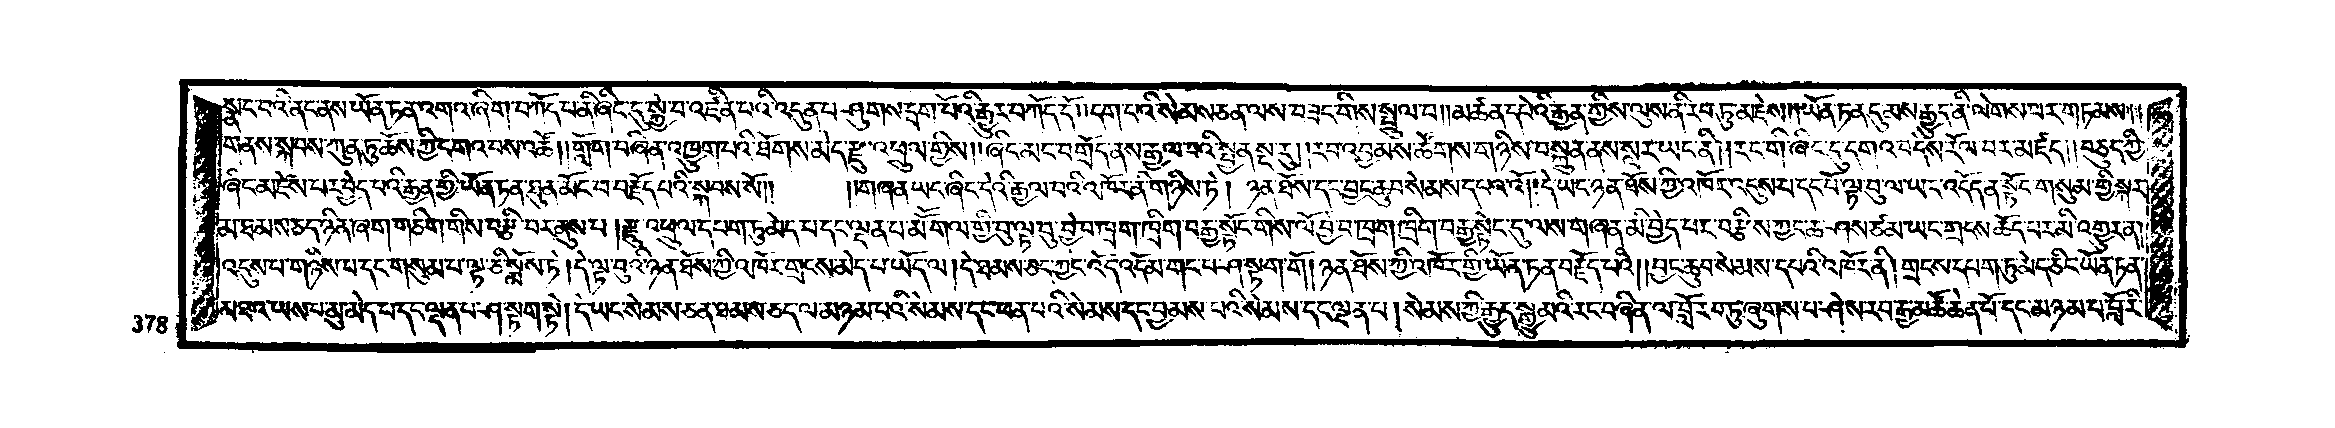སྣང་བའི་ནང་ནས་ཡོན་ཏན་འགའ་ཞིག་བཀོད་པ་ནི་ཞིང་དུ་སྐྱེ་བ་འཛིན་པའི་འདུན་པ་ཤུགས་དྲག་པོའི་རྒྱུར་བཀོད་དོ། །དག་པའི་སེམས་ཅན་ལས་བཟང་གིས་སྤྲུལ་པ། །མཚན་དཔེའི་རྒྱན་གྱིས་ལུས་ནི་རབ་ཏུ་མཛེས། །ཡོན་ཏན་དུ་མས་རྒྱུད་ནི་ལེགས་པར་གཏམས། །
གནས་སྐབས་ཀུན་ཏུ་ཆོས་ཀྱི་དགའ་བས་འཚོ། །གློག་བཞིན་འཁྱུག་པའི་ཐོགས་མེད་རྫུ་འཕྲུལ་གྱིས། །ཞིང་མང་བགྲེད་ནས་རྒྱལ་བའི་སྤྱན་སྔ་རུ། །རབ་འབྱམས་ཚོགས་གཉིས་བསྐྲུན་ནས་སླར་ཡང་ནི། །རང་གི་ཞིང་དུ་དགའ་བ་དེས་རོལ་བར་མཛད། །བཅུད་ཀྱི་
ཞིང་མཛེས་པར་བྱེད་པའི་རྒྱན་གྱི་ཡོན་ཏན་ཐུན་མང་བ་བརྗོད་པའི་སྐབས་སོ།། །།གཞན་ཡང་ཞིང་དེའི་རྒྱལ་བའི་འཁོར་ནི་གཉིས་ཏེ། ཉན་ཐོས་དང་བྱང་ཆུབ་སེམས་དཔའ་འོ། །དེ་ཡང་ཉན་ཐོས་ཀྱི་འཁོར་འདུས་པ་དང་པོ་ལྟ་བུ་ལ་ཡང་འདོད་ན་སྟོང་གསུམ་གྱི་སྐར་
མ་ཐམས་ཅད་ཉིན་ཞག་གཅིག་གིས་བརྩི་བར་ནུས་པ། རྫུ་འཕྲུལ་དཔག་ཏུ་མེད་པ་དང་ལྡན་པ་མཽ་གལ་གྱི་བུ་ལྟ་བུ་བྱེ་བ་ཁྲག་ཁྲིག་བརྒྱ་སྟོང་གིས་ལོ་བྱེ་བ་ཁྲག་ཁྲིག་བརྒྱ་སྟེང་དུ་ལས་གཞན་མི་བྱེད་པར་བརྩིས་ཀྱང་ཆ་ཤས་ཙམ་ཡང་གྲངས་ཆོད་པར་མི་འགྱུར་ན།
འདུས་པ་གཉིས་པ་དང་གསུམ་པ་ལྟ་ཅི་སྨོས་ཏེ། དེ་ལྟ་བུའི་ཉན་ཐོས་ཀྱི་འཁོར་གྲངས་མེད་པ་ཡོད་ལ། དེ་ཐམས་ཅད་ཀྱང་འོད་འདོམ་གང་པ་ཤ་སྟག་གོ །ཉན་ཐོས་ཀྱི་འཁོར་གྱི་ཡོན་ཏན་བརྗོད་པའི། །བྱང་ཆུབ་སེམས་དཔའི་འཁོར་ནི། གྲངས་དཔག་ཏུ་མེད་ཅིང་ཡོན་ཏན་
མཐའ་ཡས་པ་མུ་མེད་པ་དང་ལྡན་པ་ཤ་སྟག་སྟེ། དེ་ཡང་སེམས་ཅན་ཐམས་ཅད་ལ་མཉམ་པའི་སེམས་དང་ཕན་པའི་སེམས་དང་བྱམས་པའི་སེམས་དང་ལྡན་པ། སེམས་ཀྱི་རྒྱུད་སྒྱུ་མའི་རང་བཞིན་ལ་བློ་རབ་ཏུ་ཞུགས་པ་ཤེས་རབ་རྒྱ་མཚོ་ཆེན་པོ་དང་མཉམ་པ་བློ་རི་